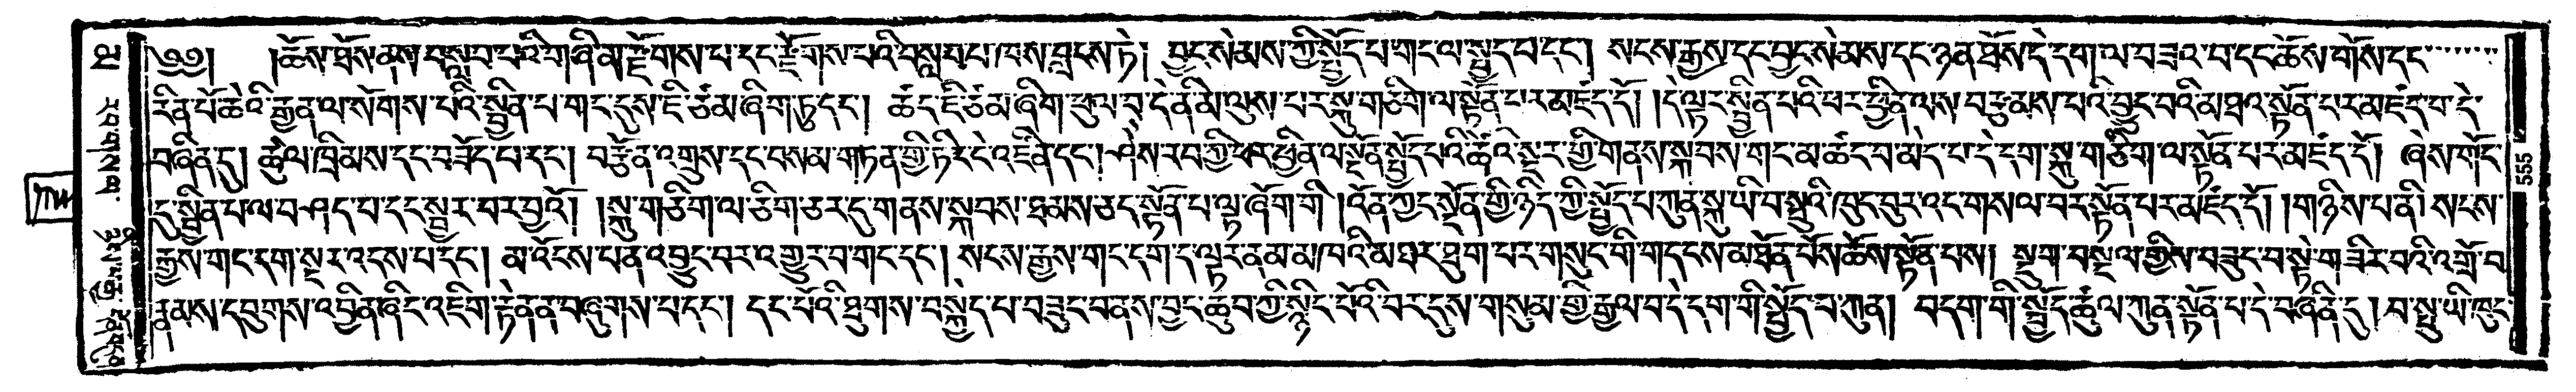༄༅། །ཆོས་ཐོས་ནས་བསླབ་པའི་གཞི་མ་རྫོགས་པ་དང་རྫོགས་པའི་བསླབ་པ་ཁས་བླངས་ཏེ། བྱང་སེམས་ཀྱི་སྤྱོད་པ་གང་ལ་སྤྱད་པ་དང་། སངས་རྒྱས་དང་བྱང་སེམས་དང་ཉན་ཐོས་དེ་དག་ལ་བཟའ་བ་དང་ཆོས་གོས་དང་
རིན་པོ་ཆེའི་རྒྱན་ལ་སོགས་པའི་སྦྱིན་པ་གང་དུས་ཇི་ཙམ་ཞིག་ཏུ་དང་། ཚད་ཇི་ཙམ་ཞིག་ཕུལ་བ་དེ་ནི་མ་ལུས་པར་སྐུ་གཅིག་ལ་སྟོན་པར་མཛད་དོ། །དེ་ལྟར་སྦྱིན་པའི་ཕར་ཕྱིན་ལས་བརྩམས་པའི་བྱུང་བའི་མཐའ་སྟོན་པར་མཛད་པ་དེ་
བཞིན་དུ། ཚུལ་ཁྲིམས་དང་བཟོད་པ་དང་། བརྩོན་འགྲུས་དང་བསམ་གཏན་གྱི་ཏིང་ངེ་འཛིན་དང་། ཤེས་རབ་ཀྱི་ཕར་ཕྱིན་ལ་སྔོན་སྤྱོད་པའི་ཚེའི་སྔར་གྱི་གནས་སྐབས་གང་མ་ཚང་བ་མེད་པ་དེ་དག་སྐུ་གཅིག་ལ་སྟོན་པར་མཛད་དོ། ཞེས་གོང་
དུ་སྦྱིན་པ་ལ་བཤད་པ་དང་སྦྱར་བར་བྱའོ། །སྐུ་གཅིག་ལ་ཅིག་ཅར་དུ་གནས་སྐབས་ཐམས་ཅད་སྟོན་པ་ལྟ་ཞོག་གི །འོན་ཀྱང་སྔོན་གྱི་ཉིད་ཀྱི་སྤྱོད་པ་ཀུན་སྐུ་ཡི་བ་སྤུའི་ཁུང་བུར་འང་གསལ་བར་སྟོན་པར་མཛད་དོ། །གཉིས་པ་ནི། སངས་
རྒྱས་གང་དག་སྔར་འདས་པ་དང་། མ་འོངས་པ་ན་འབྱུང་བར་འགྱུར་བ་གང་དང་། སངས་རྒྱས་གང་དག་ད་ལྟར་ནམ་མཁའི་མཐར་ཐུག་པར་གསུང་གི་གདངས་མཐོན་པོས་ཆོས་སྟོན་པས། སྡུག་བསྔལ་གྱིས་བཟུང་བ་སྟེ་གཟིར་པའི་འགྲོ་བ་
རྣམས་དབུགས་འབྱིན་ཞིང་འཇིག་རྟེན་ན་བཞུགས་པ་དང་། དང་པོའི་ཐུགས་བསྐྱེད་པ་བཟུང་བ་ནས་བྱང་ཆུབ་ཀྱི་སྙིང་པོའི་བར་དུས་གསུམ་གྱི་རྒྱལ་བ་དེ་དག་གི་སྤྱོད་པ་ཀུན། བདག་གི་སྤྱོད་ཚུལ་ཀུན་སྟོན་པ་དེ་བཞིན་དུ། བ་སྤུ་ཡི་ཁུང་